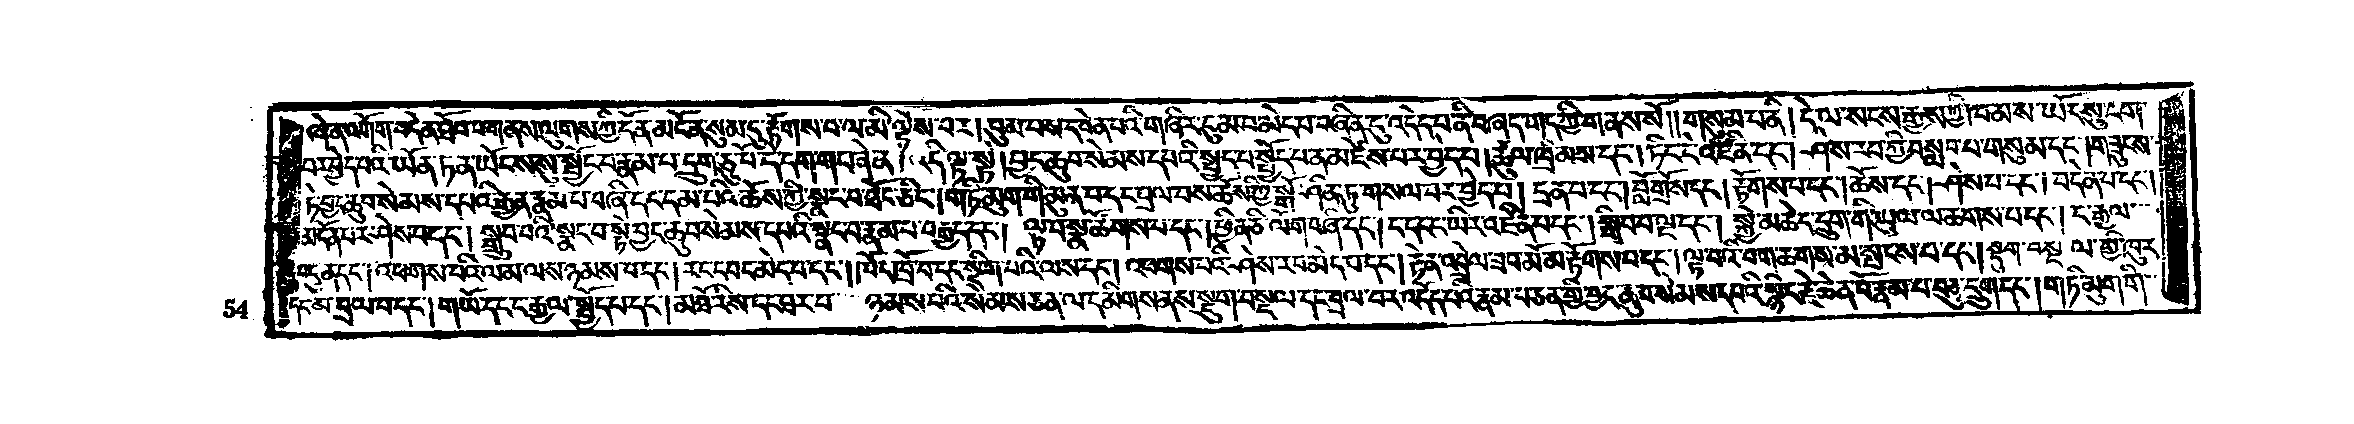ཞེ་ན་འགོག་བདེན་ཐོབ་པ་གནས་ལུགས་ཀྱི་དོན་མངོན་སུམ་དུ་རྟོགས་པ་ལ་མི་ལྟོས་པར། བུམ་པས་དབེན་པའི་གཞིར་དུ་མ་བ་མེད་པ་བཞིན་དུ་འདོད་པ་ནི་བཞད་གད་ཀྱི་གནས་སོ། །གསུམ་པ་ནི། དེ་ལ་སངས་རྒྱས་ཀྱི་ཁམས་ཡོངས་སུ་དག་
པར་བྱེད་པའི་ཡོན་ཏན་ཡོངས་སུ་སྦྱོང་བ་རྣམ་པ་དྲུག་ཅུ་པོ་དེ་དག་གང་ཞེ་ན། འདི་ལྟ་སྟེ། བྱང་ཆུབ་སེམས་དཔའི་སྤྱད་པ་སྤྱོད་པ་ན་མཛེས་པར་བྱེད་པ། ཚུལ་ཁྲིམས་དང་། ཏིང་ངེ་འཛིན་དང་། ཤེས་རབ་ཀྱི་བསླབ་པ་གསུམ་དང་། གཟུངས་
ཏེ་བྱང་ཆུབ་སེམས་དཔའི་རྒྱན་རྣམ་པ་བཞི་དང་དམ་པའི་ཆོས་ཀྱི་སྣང་བ་ཐོང་ཅིང་། གཏི་མུག་གི་མུན་པ་དང་བྲལ་བས་ཆོས་ཀྱི་སྒོ་ཤིན་ཏུ་གསལ་བར་བྱེད་པ། དྲན་པ་དང་། བློ་གྲོས་དང་། རྟོགས་པ་དང་། ཆོས་དང་། ཤེས་པ་དང་། བདེན་པ་དང་།
མངོན་པར་ཤེས་པ་དང་། སྒྲུབ་པའི་སྣང་བ་སྟེ་བྱང་ཆུབ་སེམས་དཔའི་སྣང་བ་རྣམ་པ་བརྒྱད་དང་། ལྟ་བ་སྣ་ཚོགས་པ་དང་། ཕྱིན་ཅི་ལོག་བཞི་དང་། ང་དང་ང་ཡིར་འཛིན་པ་དང་། སྒྲིབ་པ་ལྔ་དང་། སྐྱེ་མཆེད་དྲུག་གི་ཡུལ་ལ་ཆགས་པ་དང་། ང་རྒྱལ་
བདུན་དང་། འཕགས་པའི་ལམ་ལས་ཉམས་པ་དང་། རང་དབང་མེད་པ་དང་། ཁོང་ཁྲོ་བ་དང་སྡིག་པའི་ལས་དང་། འཕགས་པའི་ཤེས་རབ་མེད་པ་དང་། རྟེན་འབྲེལ་ཟབ་མོ་མ་རྟོགས་པ་དང་། ལྟ་བའི་བག་ཆགས་མ་སྤངས་པ་དང་། སྡུག་བསྔལ་གྱི་ཁུར་
དང་མ་བྲལ་བ་དང་། གཡོ་དང་ང་རྒྱལ་སྤྱོད་པ་དང་། མཐོ་རིས་དང་ཐར་པ་ཉམས་པའི་སེམས་ཅན་ལ་དམིགས་ནས་སྡུག་བསྔལ་དང་བྲལ་བར་འདོད་པའི་རྣམ་པ་ཅན་གྱི་བྱང་ཆུབ་སེམས་དཔའི་སྙིང་རྗེ་ཆེན་པོ་རྣམ་པ་བཅུ་དྲུག་དང་། གཏི་མུག་གི་